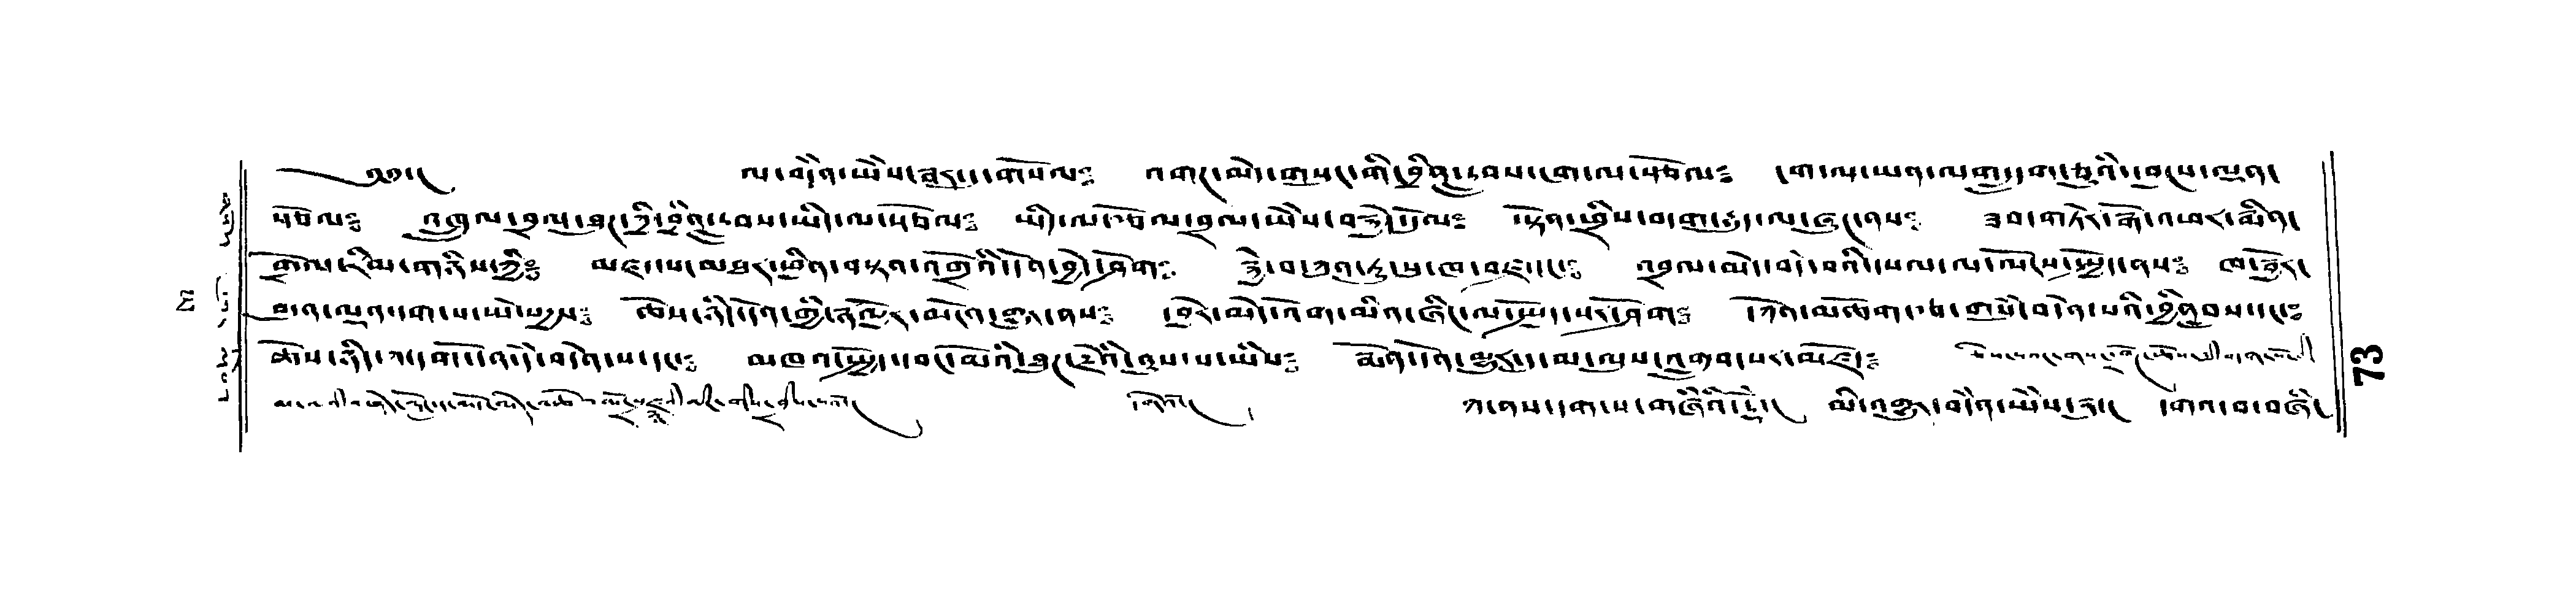ལ་བདེ་ཆེན་ཡེ་ཤེས་སྦར་དུ་གསོལ༔ འགགས་མེད་གསུང་གི་བྱིན་རླབས་ངག་ལ་སྩོལ༔ ངག་ལ་ཡན་ལག་དྲུག་ཅུའི་དབྱངས་ལྡན་
སྩོལ༔ འཁྲུལ་བྲལ་ཐུགས་ཀྱི་བྱིན་རླབས་ཡིད་ལ་སྩོལ༔ ཡིད་ལ་རྩོལ་བྲལ་ཡེ་ཤེས་བསྐྱེད་དུ་གསོལ༔ ཡོན་ཏན་ཕྲིན་ལས་བདག་རྒྱུད་ལ་ཞུགས་ནས༔ ཟབ་གཏེར་སྒོ་འཕར་སྨིན་
གྲོལ་རིམ་གཉིས་ཀྱི༔ མཛད་པ་མཐར་ཕྱིན་བསྟན་འགྲོའི་དོན་བྱེད་ཤོག༔ སྐྱེ་བ་ཀུན་ཏུ་སུ་ཁ་བཛྲ་དང༔ འབྲལ་མེད་བདེ་བའི་དཔལ་ལ་ལོངས་སྤྱོད་ནས༔ ཁ་སྦྱོར་
བདུན་ལྡན་དག་པ་ཡེ་སངས་རྒྱས༔ ཆོས་ཉིད་དོན་གྱི་རྣལ་འབྱོར་མངོན་གྱུར་ནས༔ དབྱེར་མེད་འོག་མིན་ཞིང་ལ་སྤྱོད་པར་ཤོག༔དཀོན་མཆོག་རྩ་གསུམ་བདེན་པའི་བྱིན་རླབས་དང༔ 
ཆོས་ཉིད་ཀ་དག་དོན་དམ་བདེན་པ་དང༔ མཁའ་སྤྱོད་དབང་མོའི་ཐུགས་རྗེའི་ནུས་པ་ཡིས༔ སྨོན་དོན་མྱུར་དུ་མ་ལུས་འགྲུབ་པར་མཛོད༔ ཅེས་པའང་གསང་གྲོགས་ཆོས་ཀྱི་བདག་པོ་
བི་མ་ལའི་བཞེད་སྐོང་དུ་མདོ་མེད་འཆོལ་མོ་པྲཛྙཱའི་མིང་གིས་བྲིས་པའོ།། ཀ་ནས་དག་པ་གཞིའི་རྡོ་རྗེ། །མི་འགྱུར་བདེ་ཆེན་ཡེ་ཤེས་སྐུ། །དགའ་བ་བཞི་